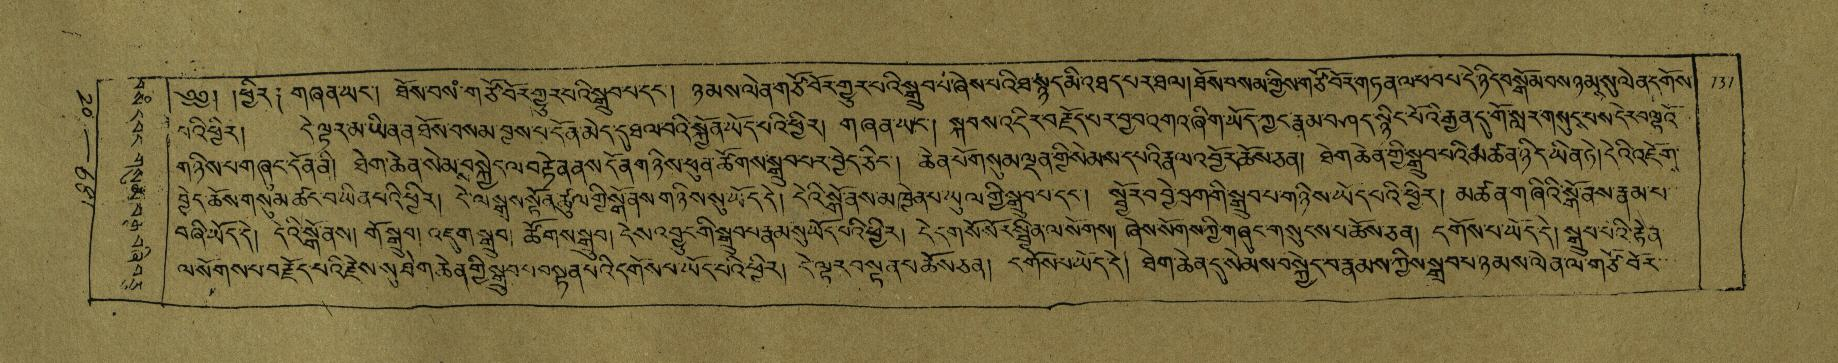༄༅། །ཕྱིར༑ གཞན་ཡང་། ཐོས་བསཾ་གཙོ་བོར་གྱུར་པའི་སྒྲུབ་པ་དང་། ཉམས་ལེན་གཙོ་བོར་གྱུར་པའི་སྒྲུབ་པ་ཞེས་པའི་ཐ་སྙད་མི་འཐད་པར་ཐལ། ཐོས་བསམ་གྱིས་གཙོ་བོར་གཏན་ལ་ཕབ་པ་དེ་ཉིད་བསྒོམ་བས་ཉམས་སུ་ལེན་དགོས་
པའི་ཕྱིར། དེ་ལྟར་མ་ཡིན་ན་ཐོས་བསམ་བྱས་པ་དོན་མེད་དུ་ཐལ་བའི་སྐྱོན་ཡོད་པའི་ཕྱིར། གཞན་ཡང་། སྐབས་འདིར་བརྗོད་པར་བྱ་བ་འགའ་ཞིག་ཡོད་ཀྱང་རྣམ་བཤད་སྙིང་པོའི་རྒྱན་དུ་གོ་སླར་གསུངས་པས་དེར་བལྟའོ་
གཉིས་པ་གཞུང་དོན་ནི། ཐེག་ཆེན་སེམས་བསྐྱེད་ལ་བརྟེན་ནས་དོན་གཉིས་ཕུན་ཚོགས་སྒྲུབ་པར་བྱེད་ཅིང་། ཆེན་པོ་གསུམ་ལྡན་གྱི་སེམས་དཔའི་རྣལ་འབྱོར་ཆོས་ཅན། ཐེག་ཆེན་གྱི་སྒྲུབ་པའི་མཚན་ཉིད་ཡིན་ཏེ། དེའི་འཇོགས་
བྱེད་ཆོས་གསུམ་ཚང་བ་ཡིན་པའི་ཕྱིར། དེ་ལ་སྒྲས་སྟོན་ཚུལ་གྱི་སྒོ་ནས་གཉིས་སུ་ཡོད་དེ། དེའི་སྒོ་ནས་མཁྱེན་པ་ལ་ཡུལ་གྱི་སྒྲུབ་པ་དང་། སྦྱོར་བ་བྱེ་བྲག་གི་སྒྲུབ་པ་གཉིས་ཡོད་པའི་ཕྱིར། མཚན་གཞིའི་སྒོ་ནས་རྣམ་པ་
བཞི་ཡོད་དེ། དེའི་སྒོ་ནས། གོ་སྒྲུབ། འཇུག་སྒྲུབ། ཚོགས་སྒྲུབ། དེས་འབྱུང་གི་སྒྲུབ་པ་རྣམ་སུ་ཡོད་པའི་ཕྱིར། དེ་དག་སོ་སོར་སྦྱིན་ལ་སོགས། ཞེས་སོགས་ཀྱི་གཞུང་གསུངས་པ་ཆོས་ཅན། དགོས་པ་ཡོད་དེ། སྒྲུབ་པའི་རྟེན་
ལ་སོགས་པ་བརྗོད་པའི་རྗེས་སུ་ཐེག་ཆེན་གྱི་སྒྲུབ་པ་བསྟན་པའི་དགོས་པ་ཡོད་པའི་ཕྱིར། དེ་ལྟར་བསྟན་པ་ཆོས་ཅན། དགོས་པ་ཡོད་དེ། ཐེག་ཆེན་དུ་སེམས་བསྐྱེད་པ་རྣམས་ཀྱིས་བསྒྲུབ་པ་ཉམས་ལེན་ལ་གཙོ་བོར་